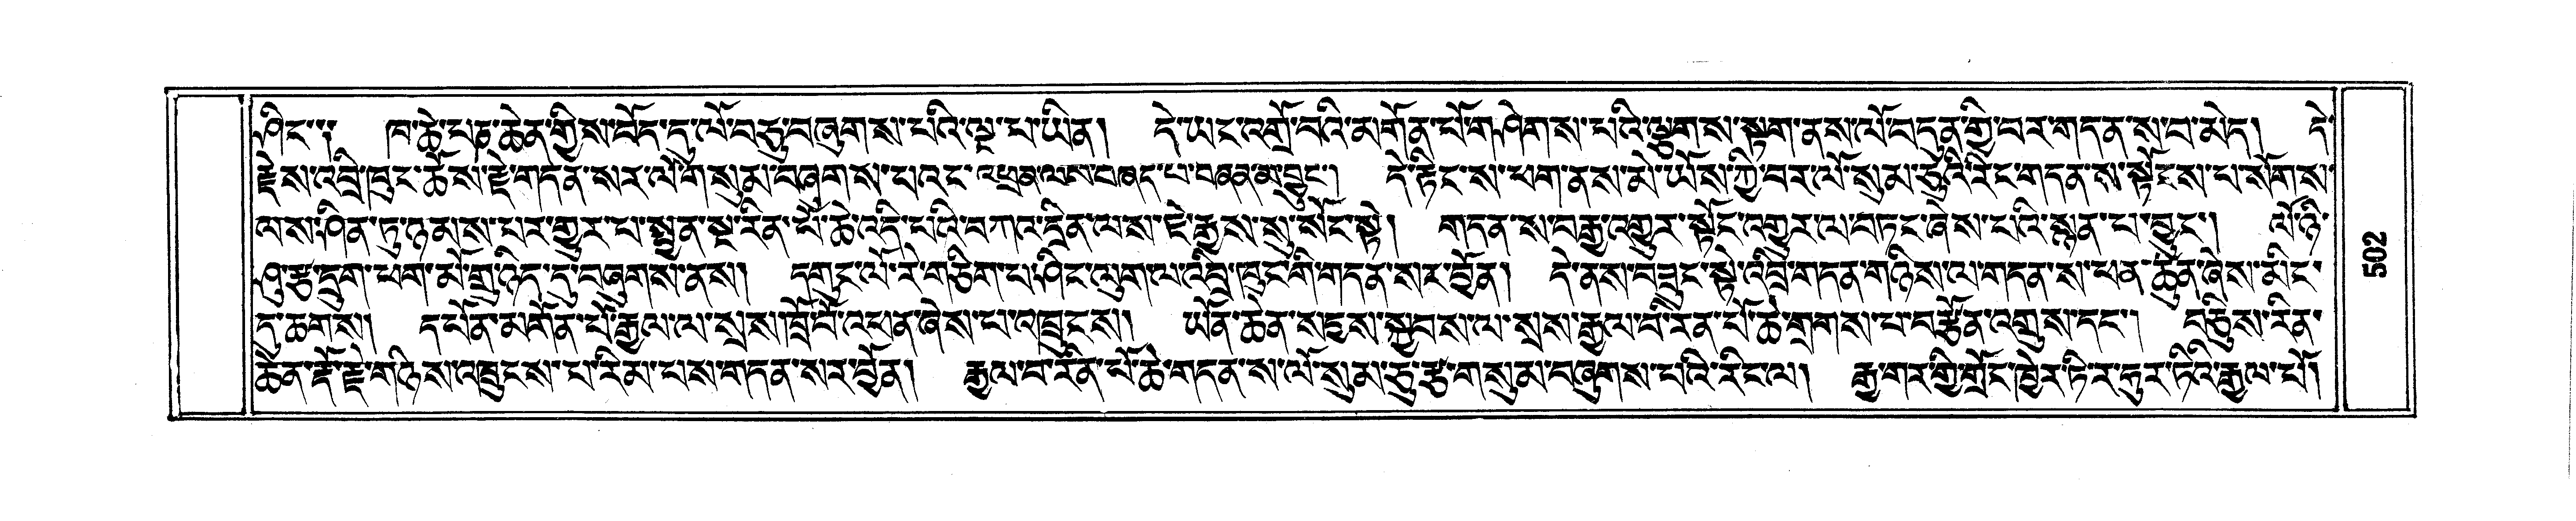ཤིང༑ ཁ་ཆེ་པཎ་ཆེན་གྱིས་བོད་དུ་ལོ་བཅུ་བཞུགས་པའི་ལྔ་པ་ཡིན། དེ་ཡང་འགྲོ་བའི་མགོན་པོ་གཤེགས་པའི་ལྕགས་སྟག་ནས་ལོ་བདུན་གྱི་བར་གདན་ས་བ་མེད། དེ་
རྗེས་འབྲི་ཁུང་ཆོས་རྗེ་གདན་སར་ལོ་གསུམ་བཞུགས་པའང་འཕྲན་ལས་བཞད་པ་བཞན་མ་བྱུང་། དེ་རྟིང་ས་ཕག་ནས་མེ་ཡོས་ཀྱི་བར་ལོ་སུམ་ཅུའི་རིང་གདན་ས་སྟོངས་པ་སོགས་
ལས་ཤིན་ཏུ་ཉམས་པར་གྱུར་པ་སྤྱན་སྔ་རིན་པོ་ཆེ་འདི་པའི་བཀའ་དྲིན་ལས་རྗེ་རྒྱས་སུ་སོང་སྟེ། གདན་ས་བརྒྱ་འགྱུར་སྟོང་འགྱུར་ལ་བཏང་ཞེས་པའི་སྙན་པ་བྱུང་། ལོ་ཉི་
ཤུ་རྩ་དྲུག་ཕག་མོ་གྲུ་ཉིད་དུ་བཞུགས་ནས། དགུང་ལོ་རེ་གཅིག་པ་ཤིང་ལུག་ལ་འབྲི་ཁུང་གི་གདན་སར་བྱོན། དེ་ནས་བཟུང་སྟེ་འབྲི་གདན་གཉིས་ལ་གདན་ས་ཕན་ཚུན་ཞེས་མིང་
དུ་ཆགས། དཔོན་མགོན་པོ་རྒྱལ་ལ་སྲས་ཁྲོ་བོ་འཕན་ཞེས་པ་འཁྲུངས། ཡོན་ཆེན་སངས་སྐྱབས་ལ་སྲས་རྒྱལ་བ་རིན་པོ་ཆེ་གྲགས་པ་བརྩོན་འགྲུས་དང་། བཅུཨིས་རིན་
ཆེན་རྡོ་རྗེ་གཉིས་འཁྲུངས་པ་རིམ་པས་གདན་སར་བྱོན། རྒྱལ་བ་རིན་པོ་ཆེ་གདན་ས་ལོ་སུམ་ཅུ་རྩ་གསུམ་བཞུགས་པའི་རིང་ལ། རྒྱ་གར་གྱི་གྲོང་ཁྱེར་ཏི་ར་ཧུར་ཏིའི་རྒྱལ་པོ།